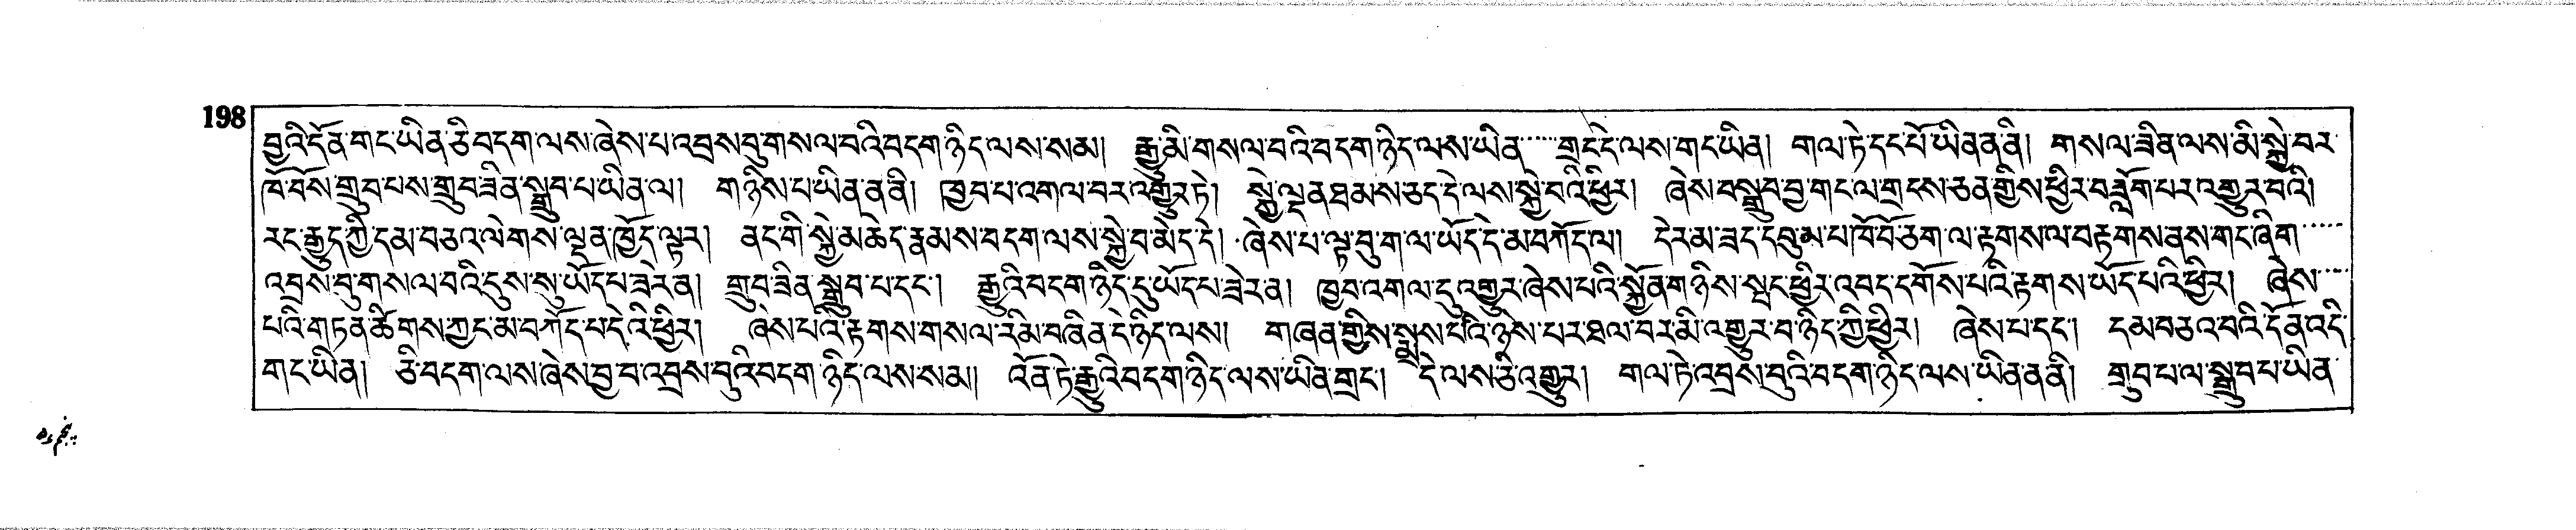བྱའི་དོན་གང་ཡིན་ཅི་བདག་ལས་ཞེས་པ་འབྲས་བུ་གསལ་བའི་བདག་ཉིད་ལས་སམ། རྒྱུ་མི་གསལ་བའི་བདག་ཉིད་ལས་ཡིན་གྲང་དེ་ལས་གང་ཡིན། གལ་ཏེ་དང་པོ་ཡིན་ན་ནི། གསལ་ཟིན་ལས་མི་སྐྱེ་བར་
ཁོ་བོས་གྲུབ་པས་གྲུབ་ཟིན་སྒྲུབ་པ་ཡིན་ལ། གཉིས་པ་ཡིན་ན་ནི། ཁྱབ་པ་འགལ་བར་འགྱུར་ཏེ། སྐྱེ་ལྡན་ཐམས་ཅད་དེ་ལས་སྐྱེ་བའི་ཕྱིར། ཞེས་བསྒྲུབ་བྱ་གང་ལ་གྲངས་ཅན་གྱིས་ཕྱིར་བཟློག་པར་འགྱུར་བའི།
རང་རྒྱུད་ཀྱི་དམ་བཅའ་ལེགས་ལྡན་ཁྱོད་ལྟར། ནང་གི་སྐྱེ་མཆེད་རྣམས་བདག་ལས་སྐྱེ་བ་མེད་དེ། ཞེས་པ་ལྟ་བུ་ག་ལ་ཡོད་དེ་མ་བཀོད་ལ། དེར་མ་ཟད་དབུ་མ་པ་ཁོ་བོ་ཅག་ལ་རྟགས་ལ་བརྟགས་ནས་གང་ཞིག་
འབྲས་བུ་གསལ་བའི་དུས་སུ་ཡོད་པ་ཟེར་ན། གྲུབ་ཟིན་སྒྲུབ་པ་དང་། རྒྱུའི་བདག་ཉིད་དུ་ཡོད་པ་ཟེར་ན། ཁྱབ་འགལ་དུ་འགྱུར་ཞེས་པའི་སྐྱོན་གཉིས་སྤང་ཕྱིར་འབད་དགོས་པའི་རྟགས་ཡོད་པའི་ཕྱིར། ཞེས་
པའི་གཏན་ཚིགས་ཀྱང་མ་བཀོད་པ་དེའི་ཕྱིར། ཞེས་པའི་རྟགས་གསལ་རིམ་བཞིན་དེ་ཉིད་ལས། གཞན་གྱིས་སྨྲས་པའི་ཉེས་པར་ཐལ་བར་མི་འགྱུར་བ་ཉིད་ཀྱི་ཕྱིར། ཞེས་པ་དང་། དམ་བཅའ་བའི་དོན་འདི་
གང་ཡིན། ཅི་བདག་ལས་ཞེས་བྱ་བ་འབྲས་བུའི་བདག་ཉིད་ལས་སམ། འོན་ཏེ་རྒྱའི་བདག་ཉིད་ལས་ཡིན་གྲང་། དེ་ལས་ཅི་འགྱུར། གལ་ཏེ་འབྲས་བུའི་བདག་ཉིད་ལས་ཡིན་ན་ནི། གྲུབ་པ་ལ་སྒྲུབ་པ་ཡིན་